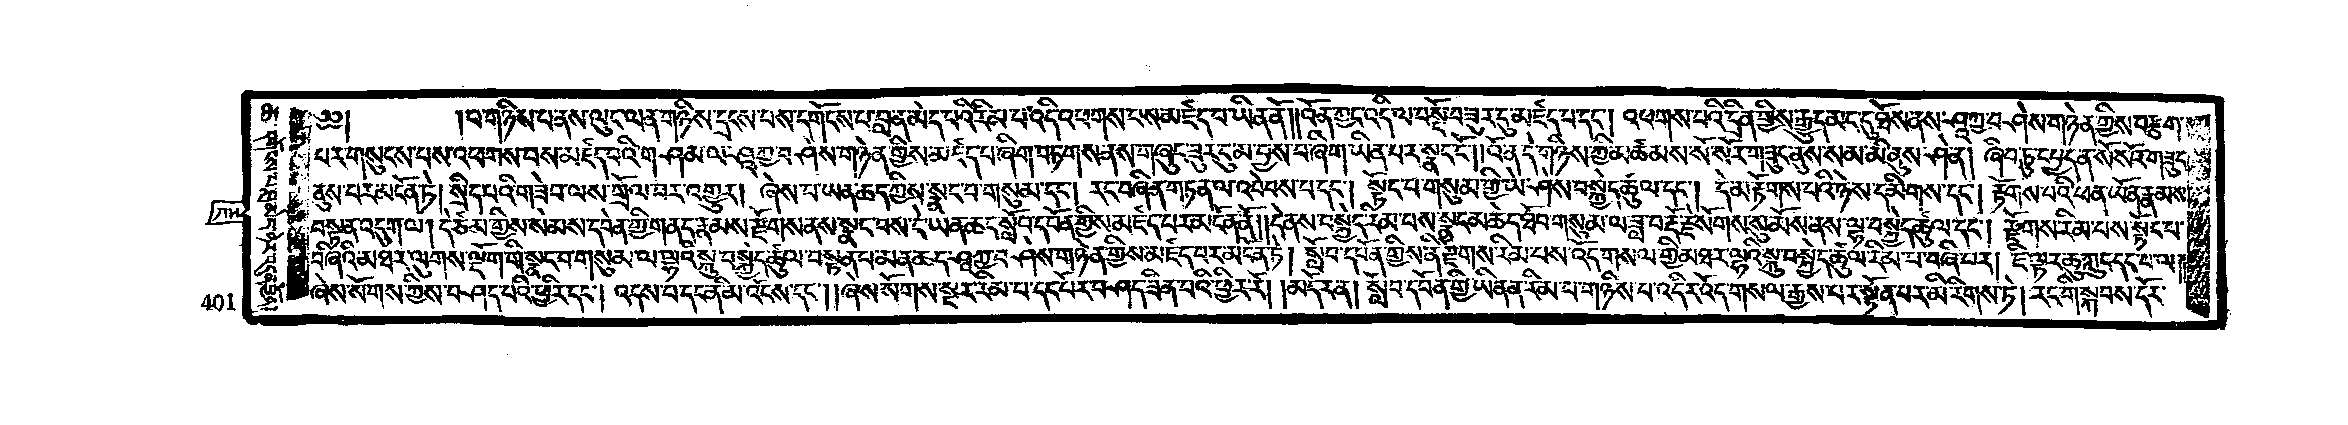༄༅། །པ་གཉིས་པ་ནས་ལུང་ལན་གཉིས་དྲངས་པས་དགོངས་པ་བླ་ན་མེད་པའི་རིམ་པ་འདི་འཕགས་པས་མཛད་པ་ཡིན་ནོ། །འོན་ཀྱང་འདི་ལ་བསྔོ་བ་ཟུར་དུ་མཛད་པ་དང་། འཕགས་པའི་དྲིན་གྱིས་རྒྱུད་མང་དུ་ཐོས་ནས་ཤཱཀྱ་བཤེས་གཉེན་གྱིས་བརྩམས་
པར་གསུངས་པས་འཕགས་པས་མཛད་པའི་གཤམ་ལ་ཤཱཀྱ་བཤེས་གཉེན་གྱིས་མཛད་པ་ཞིག་བཏགས་ནས་གཞུང་ཟུར་དུ་མ་བྱས་པ་ཞིག་ཡིན་པར་སྣང་ངོ། །འོ་ན་དེ་གཉིས་ཀྱི་མཚམས་སོ་སོར་གཟུང་ནུས་སམ་མི་ནུས་ཤེ་ན། ཞིབ་ཏུ་དཔྱད་ན་སོ་སོར་གཟུང་
ནུས་པར་མངོན་ཏེ། སྲིད་པའི་གཟེབ་ལས་གྲོལ་བར་འགྱུར། ཞེས་པ་ཡན་ཆད་ཀྱིས་སྣང་བ་གསུམ་དང་། རང་བཞིན་གཏན་ལ་འབེབས་པ་དང་། སྟོང་པ་གསུམ་གྱི་ཡེ་ཤེས་བསྐྱེད་ཚུལ་དང་། དེ་མ་རྟོགས་པའི་ཉེས་དམིགས་དང་། རྟོགས་པའི་ཕན་ཡོན་རྣམས་
བསྟན་འདུག་ལ། དེ་ཙམ་གྱིས་སེམས་དབེན་གྱི་གནད་རྣམས་རྫོགས་ནས་སྣང་བས་དེ་ཡན་ཆད་སློབ་དཔོན་གྱིས་མཛད་པར་མངོན་ནོ། །དེ་ནས་བསྐྱེད་རིམ་པས་སྣང་མཆེད་ཐོབ་གསུམ་ལ་ཟླ་བ་རྡོ་རྗེ་སོགས་སུ་མོས་ནས་ལྷ་བསྐྱེད་ཚུལ་དང་། རྫོགས་རིམ་པས་སྟོང་པ་
བཞིའི་མཐར་ལུགས་ལྡོག་གི་སྣང་བ་གསུམ་ལ་ལྷའི་སྐུ་བསྐྱེད་ཚུལ་བསྟན་པ་མན་ཆད་ཤཱཀྱ་བཤེས་གཉེན་གྱིས་མཛད་པར་མངོན་ཏེ། སློབ་དཔོན་གྱིས་ནི་རྫོགས་རིམ་པས་འོད་གསལ་གྱི་མཐར་ལྷའི་སྐུ་བསྐྱེད་ཚུལ་རིམ་པ་བཞི་པར། ཇི་ལྟར་ཆུ་ཀླུང་དང་པ་ལ། །
ཞེས་སོགས་ཀྱིས་བཤད་པའི་ཕྱིར་དང་། འདས་པ་དང་ནི་མ་འོངས་དང་། །ཞེས་སོགས་སྔར་རིམ་པ་དང་པོར་བཤད་ཟིན་པའི་ཕྱིར་རོ། །མདོར་ན། སློབ་དཔོན་གྱི་ཡིན་ན་རིམ་པ་གཉིས་པ་འདིར་འོད་གསལ་རྒྱས་པར་སྟོན་པར་མི་རིགས་ཏེ། རང་གི་སྐབས་དོར་